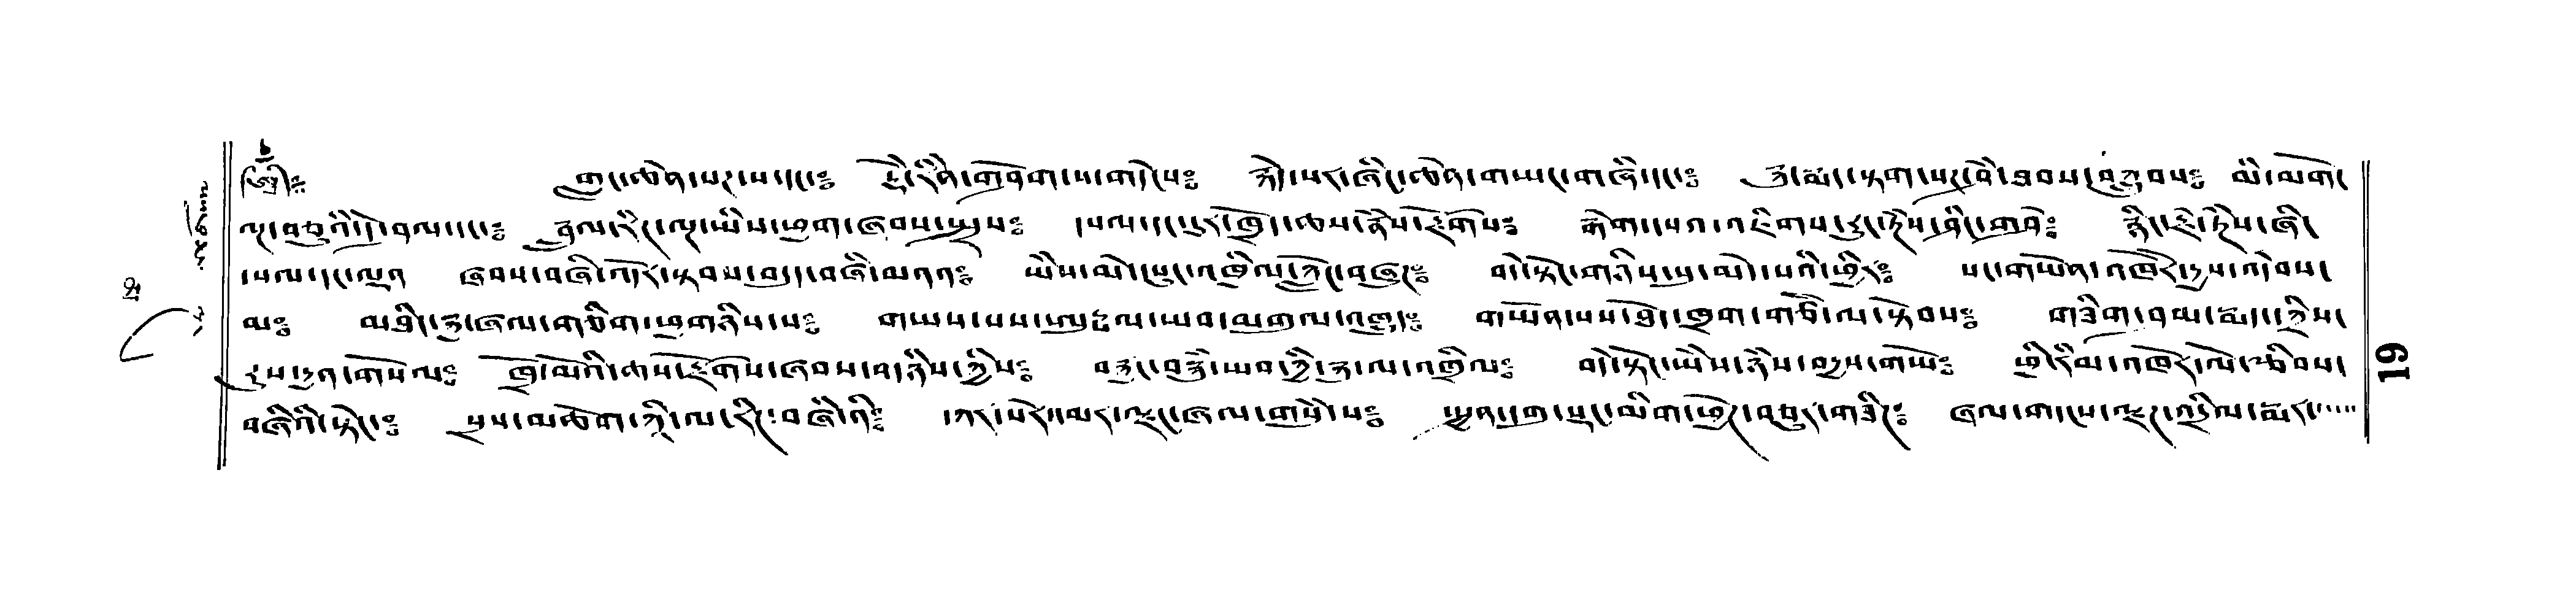གླང་ཆེན་ལྤགས་པ་དང༔ རྡོ་རྗེ་རིན་ཆེན་གཤོག་པ་གདེངས༔ རྐེད་པར་ཞིང་ཆེན་གཡང་གཞི་དང༔ སྐུ་སྨད་སྟག་ལྤགས་ཤམ་ཐབས་བཀླུབས༔ མི་མགོ་
ལྔ་བཅུའི་དོ་ཤལ་དང༔ སྦྲུལ་རིགས་ལྔ་ཡིས་ཕྱག་ཞབས་སྤྲས༔དཔལ་དང་དུར་ཁྲོད་ཆས་རྣམས་རྫོགས༔ སྒེག་དཔའ་འཇིགས་རུང་རྔམས་ཤིང་གཤེ༔ སྙིང་རྗེ་རྔམས་ཞི་
དཔལ་དང་ལྡན༔ ཞབས་བཞི་འདོར་སྟབས་བདུད་བཞི་མནན༔ ཡེ་ཤེས་མི་དཔུང་འཁྱིལ་ཀློང་བཞུགས༔ བདེ་སྟོང་གཉིས་སུ་མེད་པའི་ཕྱིར༔ པང་གཡོན་འཁོར་ལོ་རྒྱས་འདེབས་
མ༔ མཐིང་སྐྱ་ཞལ་གཅིག་ཕྱག་གཉིས་པ༔ གཡས་པས་ཨུཏྤལ་ཡབ་མགུལ་འཁྱུད༔ གཡོན་པས་ཐོད་ཁྲག་གཙོ་ལ་སྟོབ༔ གཟིག་ཤམ་སྨད་དཀྲིས་
རུས་རྒྱན་གསོལ༔ ཁྲོ་མོའི་ཆས་རྫོགས་ཞབས་གཉིས་ཀྱིས༔ བརྐྱང་བསྐུམ་ཡབ་ཀྱི་སྐུ་ལ་འཁྲིལ༔ བདེ་སྟོང་ཡེ་ཤེས་ཉམས་རྒྱས་གཡོ༔ ཕྱི་རིམ་འཁོར་ལོ་རྩིབས་
བཞིའི་སྟེང༔ སྲས་མཆོག་ཀཱི་ལ་རིགས་བཞི་ནི༔ དཀར་སེར་དམར་ལྗང་ཞལ་གསུམ་པ༔ སྤྱན་དགུ་སྡང་མིག་ཕྱོགས་བཅུར་གཟིགས༔ ཞལ་གདངས་ལྗགས་འདྲིལ་སྨར་